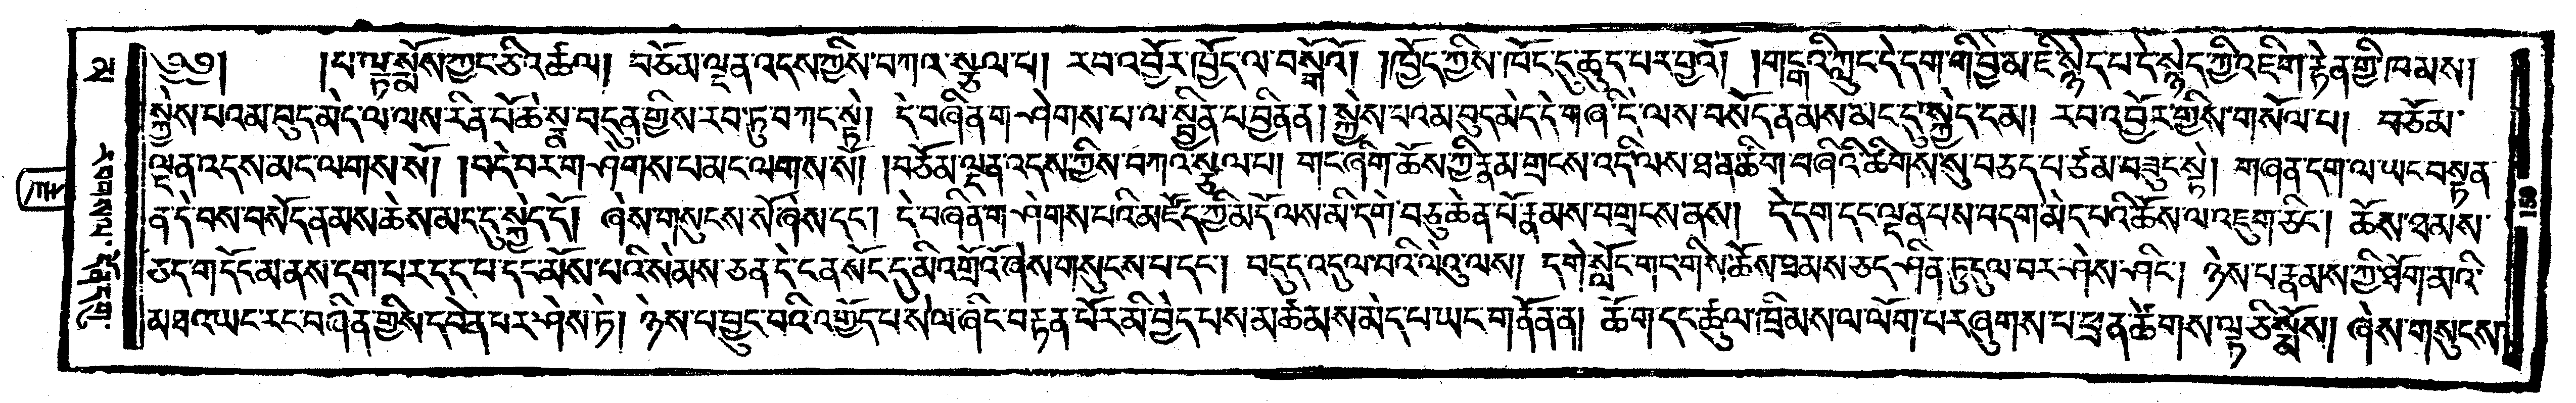༄༅། །པ་ལྟ་སྨོས་ཀྱང་ཅི་འཚལ། བཅོམ་ལྡན་འདས་ཀྱིས་བཀའ་སྩལ་པ། རབ་འབྱོར་ཁྱོད་ལ་བསྒོའོ། །ཁྱོད་ཀྱིས་ཁོང་དུ་ཆུད་པར་བྱའོ། །གངྒཱའི་ཀླུང་དེ་དག་གི་བྱེ་མ་ཇི་སྙེད་པ་དེ་སྙེད་ཀྱི་འཇིག་རྟེན་གྱི་ཁམས།
སྐྱེས་པའམ་བུད་མེད་ལ་ལས་རིན་པོ་ཆེ་སྣ་བདུན་གྱིས་རབ་ཏུ་བཀང་སྟེ། དེ་བཞིན་གཤེགས་པ་ལ་སྦྱིན་པ་བྱིན་ན། སྐྱེས་པའམ་བུད་མེད་དེ་གཞི་དེ་ལས་བསོད་ནམས་མང་དུ་སྐྱེད་དམ། རབ་འབྱོར་གྱིས་གསོལ་པ། བཅོམ་
ལྡན་འདས་མང་ལགས་སོ། །བདེ་བར་གཤེགས་པ་མང་ལགས་སོ། །བཅོམ་ལྡན་འདས་ཀྱིས་བཀའ་སྩལ་པ། གང་ཞིག་ཆོས་ཀྱི་རྣམ་གྲངས་འདི་ལས་ཐ་ན་ཚིག་བཞིའི་ཚིགས་སུ་བཅད་པ་ཙམ་བཟུང་སྟེ། གཞན་དག་ལ་ཡང་བསྟན་
ན་དེ་བས་བསོད་ནམས་ཆེས་མང་དུ་སྐྱེད་དོ། ཞེས་གསུངས་སོ་ཞེས་དང་། དེ་བཞིན་གཤེགས་པའི་མཛོད་ཀྱི་མདོ་ལས་མི་དགེ་བཅུ་ཆེན་པོ་རྣམས་བགྲངས་ནས། དེ་དག་དང་ལྡན་པས་བདག་མེད་པའི་ཆོས་ལ་འཇུག་ཅིང་། ཆོས་ཐམས་
ཅད་གདོད་མ་ནས་དག་པར་དད་པ་དང་མོས་པའི་སེམས་ཅན་དེ་ངན་སོང་དུ་མི་འགྲོའོ་ཞེས་གསུངས་པ་དང་། བདུད་འདུལ་བའི་ལེའུ་ལས། དགེ་སློང་གང་གིས་ཆོས་ཐམས་ཅད་ཤིན་ཏུ་དུལ་བར་ཤེས་ཤིང་། ཉེས་པ་རྣམས་ཀྱི་ཐོག་མའི་
མཐའ་ཡང་རང་བཞིན་གྱིས་དབེན་པར་ཤེས་ཏེ། ཉེས་པ་བྱུང་བའི་འགྱོད་པ་སེལ་ཞིང་བརྟན་པོར་མི་བྱེད་པས་མཚམས་མེད་པ་ཡང་གནོན་ན། ཆོ་ག་དང་ཚུལ་ཁྲིམས་ལ་ལོག་པར་ཞུགས་པ་ཕྲན་ཚེགས་ལྟ་ཅི་སྨོས། ཞེས་གསུངས་